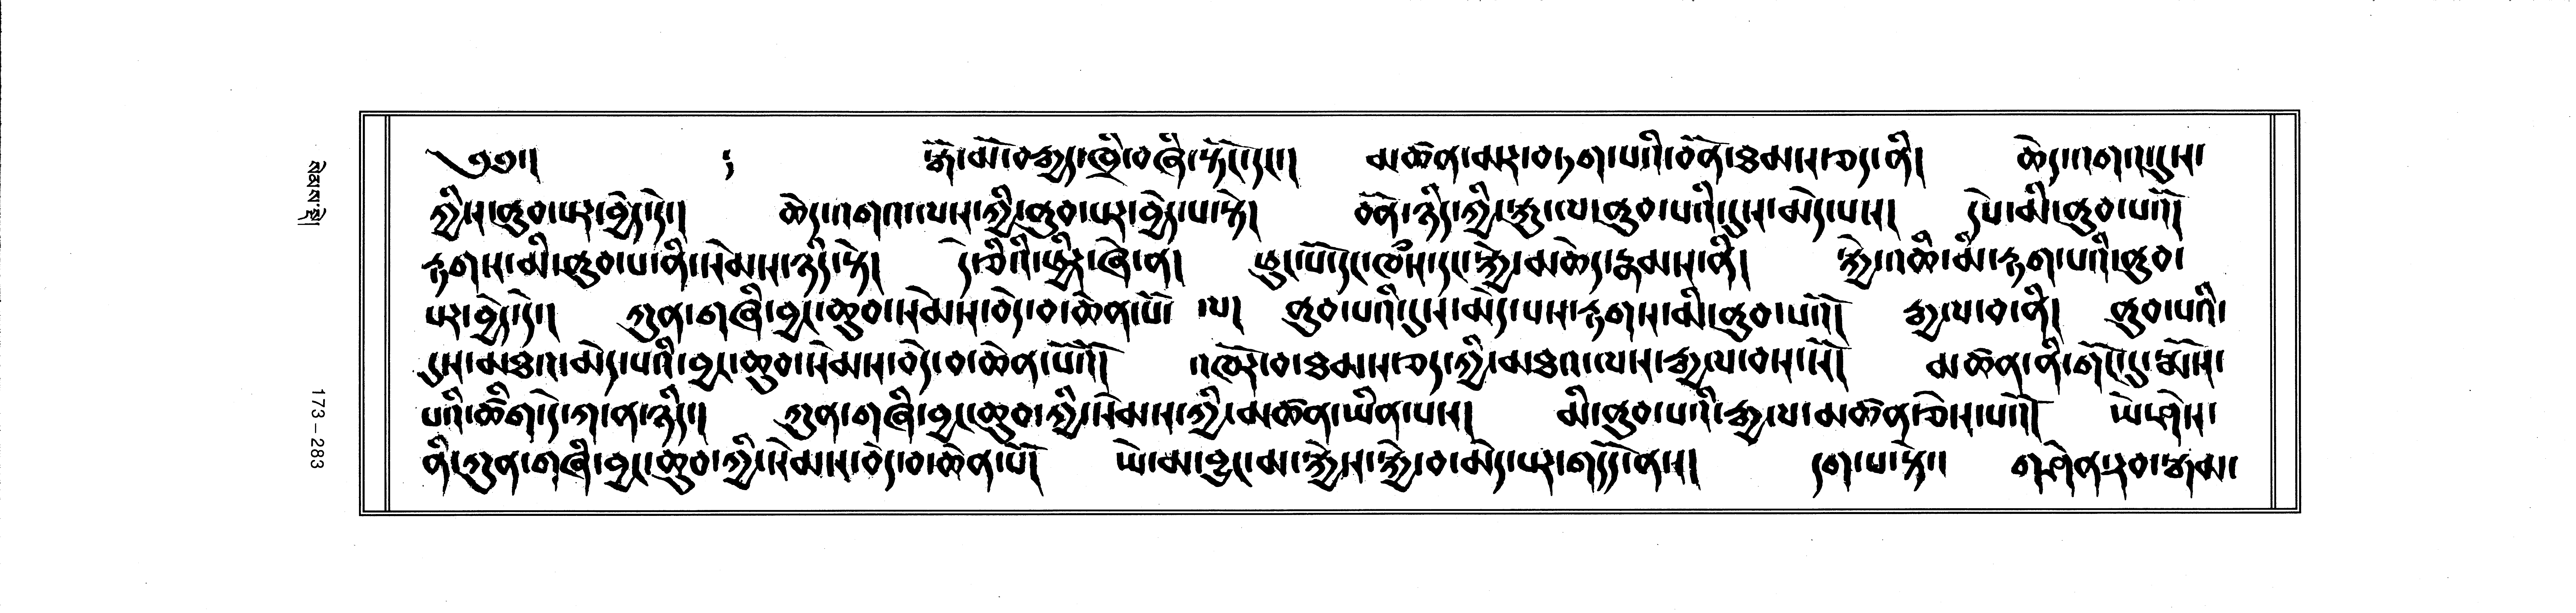སྒོ་མོ་བརྒྱད་ཁྲི་བཞི་སྟོང་དང་། མཚན་མར་བཏགས་པའི་བོན་ཐམས་ཅད་ནི། ཆེད་འགའ་དུས་
ཀྱིས་ནུབ་པར་བྱེད་དེ། ཆེད་འགའ་ལས་ཀྱིས་ནུབ་པར་བྱེད་པ་སྟེ། བོན་ཉིད་ཀྱི་སྐུ་ལ་ནུབ་པའི་དུས་མེད་པས། དཔེ་མི་ནུབ་པའོ། །
རྟགས་མི་ནུབ་པ་ནི་སེམས་ཉིད་དེ། དེ་ཅིའི་ཕྱིར་ཞེ་ན་ཕུང་པོ་ཁམས་དང་སྐྱེ་མཆེད་རྣམས་ནི། སྐྱེ་འཆི་མི་རྟག་པས་ནུབ་
པར་བྱེད་དེ། ཀུན་གཞི་བྱང་ཆུབ་ཀྱི་སེམས་བདེ་བ་ཆེན་པོ་ལ། ནུབ་པའི་དུས་མེད་པས་རྟགས་མི་ནུབ་པའོ། །རྒྱལ་བ་ནི་ནུབ་པའི་
དུས་མཐའ་མེད་པའི་བྱང་ཆུབ་ཀྱི་སེམས་བདེ་བ་ཆེན་པོའོ། །འཁོར་བ་ཐམས་ཅད་ཀྱི་མཐའ་ལས་རྒྱལ་བས་སོ། །མཚན་ནི་གོང་དུ་སྨོས་
པའི་ཚིག་དེ་ཀ་ན་ཉིད་ཀུན་གཞི་བྱང་ཆུབ་ཀྱི་སེམས་ཀྱི་མཚན་ཡིན་པས། མི་ནུབ་པའི་རྒྱལ་མཚན་ཅེས་པའོ། །ཡེ་ཤེས་
ནི་ཀུན་གཞི་བྱང་ཆུབ་ཀྱི་སེམས་བདེ་བ་ཆེན་པོ། ཡེ་མ་བྱུང་མ་སྐྱེས་སྐྱེ་བ་མེད་པར་གདོད་ནས་དག་པ་སྟེ། གཤེན་རབ་སྒམ་